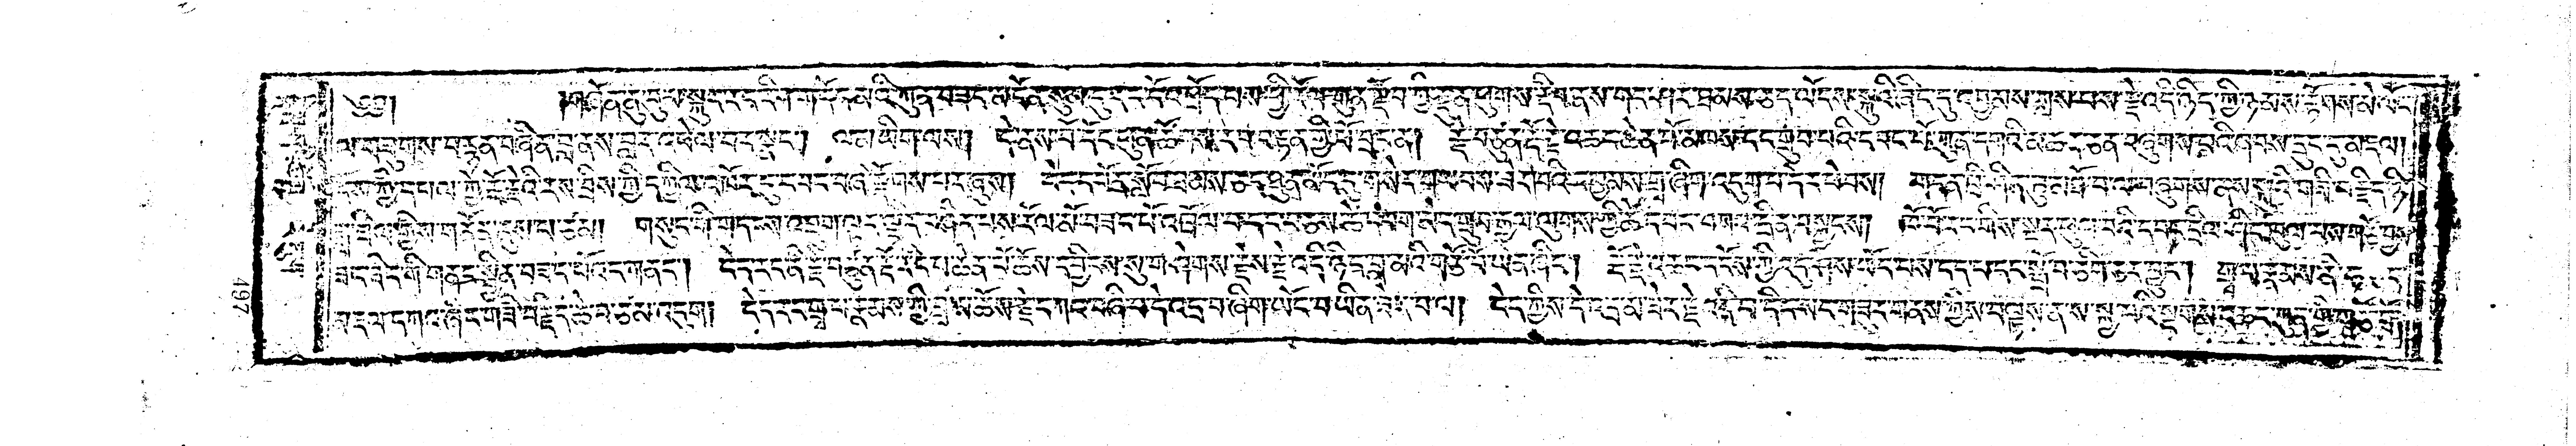༄༅། །གཞོན་ནུ་བུམ་སྐུར་རང་རིག་གདོད་མའི་ཀུན་བཟང་མངོན་སུམ་དུ་རང་ངོ་འཕྲོད་པས་ཕྱི་རོལ་ཀུན་རྫོབ་ཀྱ་རྫུན་ཕུགས་རྡིབ་ནས་གང་ཤར་ཐམས་ཅད་ལོངས་སྐུའི་ཞིང་དུ་འབྱམས་ཀླས་པས་རྗ་འདི་ཉིད་ཀྱི་ཉམས་རྟོགས་མེ་ལོང་
ལ་གཟུགས་བརྙན་བཞིན་བླ་ནས་བླར་འཕེལ་བར་སྣང་། ལམ་ཡིག་ལས། དེ་ནས་བོ་དོང་ཕུན་ཆོགས་རབ་བརྟན་གྱི་ཕོ་བྲང་ན། རྗེ་བཙུན་རྡོ་རྗེ་འཆང་ཆེན་པོ་མཁས་དང་གྲུབ་པའི་དབང་པོ་ཀུན་དགའི་མཆན་ཅན་བཞུགས་པའི་ཞབས་དྲུང་དུ་མཇལ།
ངོས་ཀྱི་དཔལ་ཀྱི་རྡོ་རྗེའི་རས་བྲིས་ཀྱི་དཀྱིལ་འཁོར་དུ་དབང་བཞི་རྫོགས་པར་ཞུས། དེད་དཔོན་སློབ་ཐམས་ཅད་ཐུན་མོང་དུ་གསེར་གཡབས་ཟེར་བའི་འཁྱམས་གྲྭ་ཞིག་འདུག་པ་དེར་ཕེབས། གདན་ཁྲི་ཤིན་ཏུ་མཐོ་བ་ལ་བཞུགས་ནས་སྐུའི་གཟི་བརྗིད་ཉི་
ཟླ་ཟིལ་གྱིས་གནོན་ནུས་པ་ཙམ། གསུང་གི་གདངས་འབྲག་ལྟར་ལྡིར་བཞིན་པས་རོལ་མོ་བཟང་པོ་འཁྲལ་བ་དང་བཅས་ཚེ་དཔག་མེད་གྲུབ་རྒྱལ་ལུགས་ཀྱི་ཚེ་དབང་བཀའ་དྲིན་བསྐྱངས། ཁོ་བོ་རང་གིས་སྔར་ཕུལ་བའི་དབང་དྲིལ་ཤིང་ཁུལ་མས་གཙོ་བྱས་
ཟང་ཟིང་གི་གནང་སྦྱིན་བཟང་པོའང་གནང་། དེད་རང་ནི་རྗེ་བཙུན་རྡོ་རིང་པ་ཆེན་པོ་ཆོས་དབྱིངས་སུ་གཤེགས་རྗེས་རྗེ་འདི་ཉིད་བླ་མའི་གཙོ་བོ་ཡིན་ཞིང་། རྡོ་རྗེ་འཆང་དངོས་ཀྱི་འདུ་ཤེས་ཡོད་པས་ངད་པ་དང་སྤྲོ་བ་ཅིག་ཅར་བྱུང་། གྲྭ་པ་རྣམས་ནི་ཧ་ཅང་
མཇལ་དཀའ་ཞང་གཟི་བརྗིད་ཆེ་བ་ཅམ་འདུག། དེད་རང་གྲྭ་པ་རྣམས་ཀྱི་བླ་མ་ཆོས་རྗེ་དཀའ་བཞི་པ་དེ་འདྲ་བ་ཞིག་ཡོང་བ་ཡིན་ཟེར་བ་ལ། ངེད་ཀྱིས་དེ་འདྲ་མ་ཟེར་རྗེ་འདི་པ་དིང་སང་གཟུར་གནས་ཀྱིས་བལྟས་ན་ས་སྐྱ་པའི་སྔགས་འཆང་ཀུན་གྱི་གཙོ་བོ།